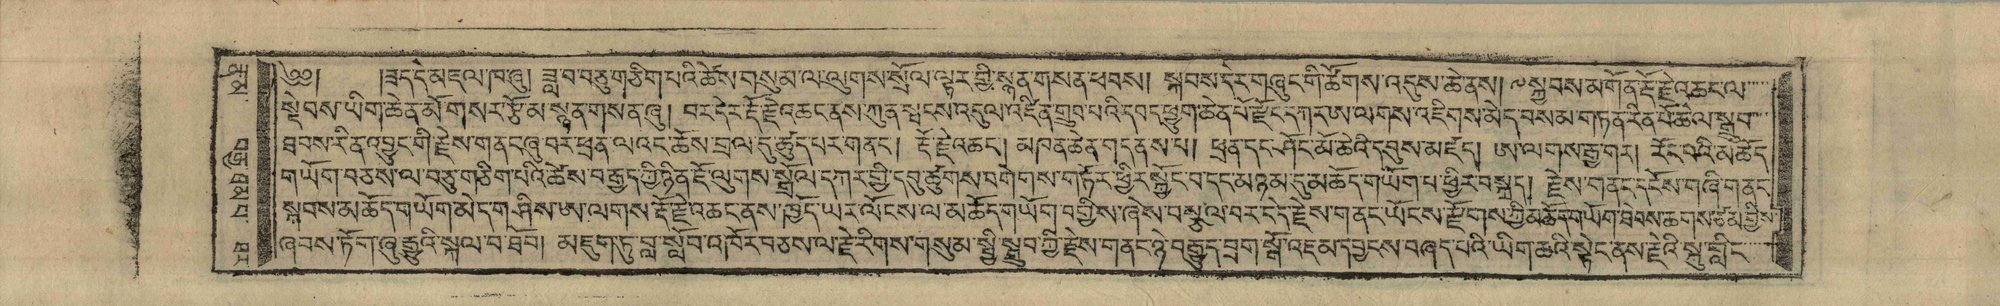༄༅། །ཟད་དེ་མཇལ་ཁ་ཞུ། ཟླ་བ་བཅུ་གཅིག་པའི་ཚེས་གསུམ་ལ་ལུགས་སྲོལ་ལྟར་གྱི་སྙན་གསན་ཕབས། སྐབས་དེར་གཞུང་གི་ཚོགས་འདུས་ཆེ་ནས། ༧་སྐྱབས་མགོན་རྡོ་རྗེ་འཆང་ལ་
སྡེབས་ཡིག་ཆེན་མོ་གསར་རྩོམ་སྙན་གསན་ཞུ། བར་དེར་རྡོ་རྗེ་འཆང་ནས་ཀུན་སྤངས་འདུལ་འཛིན་གྲུབ་པའི་དབང་ཕྱུག་ཆེན་པོ་རྫོང་དཀར་ཨ་ལགས་འཇིགས་མེད་བསམ་གཏན་རིན་པོ་ཆེ་ལ་སྒྲུབ་
ཐབས་རིན་འབྱུང་གི་རྗེས་གནང་ཞུ་བར་ཕྲན་ལའང་ཆོས་གྲལ་དུ་ཚུད་པར་གནང་། རྡོ་རྗེ་འཆང་། མཁན་ཆེན་གདན་ས་པ། ཕྲན་དང་ཤོང་མོ་ཆེའི་དབུས་མཛད། ཨ་ལགས་རྒྱ་གར། རོང་བའི་མཆོད་
གཡོག་བཅས་ལ་བཅུ་གཅིག་པའི་ཚེས་བརྒྱད་ཀྱི་ཉིན་ཇོ་ལུགས་སྒྲོལ་དཀར་གྱི་དབུ་ཚུགས་བགེགས་གཏོར་ཕྱིར་སྐྱོང་བ་དང་མཉམ་དུ་མཆོད་གཡོག་པ་ཕྱིར་བསྐྲད། རྗེས་གནང་དངོས་གཞི་གནང་
སྐབས་མཆོད་གཡོག་མེད་གཤིས་ཨ་ལགས་རྡོ་རྗེ་འཆང་ནས་ཁྱོད་ཡར་ལོངས་ལ་མཆོད་གཡོག་བགྱིས་ཞེས་བསྩལ་བར་ངེད་རྗེས་གནང་ཡོངས་རྫོགས་ཀྱི་མཆོད་གཡོག་ཐེབས་ཆགས་ཙམ་གྱིས་
ཞབས་ཏོག་ཞུ་རྒྱུའི་སྐལ་བ་ཐོབ། མཇུག་ཏུ་བླ་སློབ་འཁོར་བཅས་ལ་རྗེ་རིགས་གསུམ་སྤྱི་སྒྲུབ་ཀྱི་རྗེས་གནང་ཉེ་བརྒྱུད་བྲག་སྒོ་འཇམ་དབྱངས་བཞད་པའི་ཡིག་ཆའི་སྟེང་ནས་རྗེའི་སྐུ་གླིང་